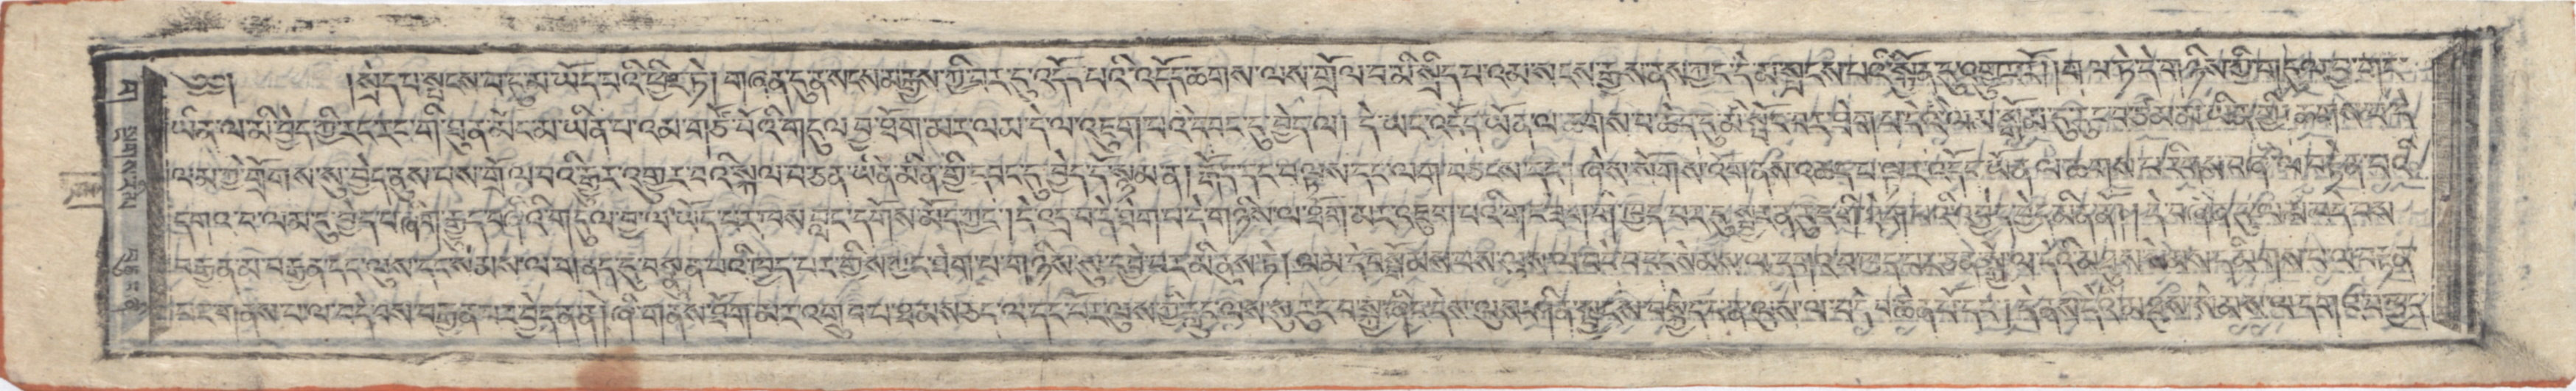༄༅། །སྲེད་པ་སྤངས་བ་དུ་མ་ཡོད་པའི་ཕྱིར་ཏེ། གཞན་དུ་ན་སངས་མ་རྒྱས་ཀྱི་བར་དུ་འདོད་པའི་འདོད་ཆགས་ལས་གྲོལ་བ་མི་སྲིད་པ་འམ་སངས་རྒྱས་ནས་ཀྱང་དེ་མ་སྤངས་པའི་སྐྱོན་དུ་འགྱུར་རོ། །གལ་ཏེ་དེ་གཉིས་ཀྱི་གདུལ་བྱ་གང་
ཡིན་ལ་མི་བྱེད་ཀྱི་རང་རང་གི་ཐུན་མོང་མ་ཡིན་པ་འམ་གཙོ་བོའི་གདུལ་བྱ་ཐོག་མར་ལམ་དེ་ལ་འཇུག་པའི་དབང་དུ་བྱེད་ལ། དེ་ཡང་འདོད་ཡོན་ལ་ཆགས་པ་ཆེད་དུ་མི་སྤོང་བར་ཐེག་པ་དེའི་ལམ་སྒོམ་དུ་རུང་བ་ཙམ་མ་ཡིན་གྱི། ཆགས་པ་དེ་
ལམ་གྱི་གྲོགས་སུ་བྱེད་ནུས་པས་གྲོལ་བའི་རྒྱུར་འགྱུར་བའི་སྐལ་བ་ཅན་ཡིན་མིན་གྱི་དབང་དུ་བྱེད་དོ་སྙམ་ན། རྒོད་དང་བལྟས་དང་ལག་བཅངས་དང་། ཞེས་སོགས་འོག་ནས་འཆད་པ་ལྟར་འདོད་ཡོན་ལ་ཆགས་པ་རིགས་བཞི་ལ་བརྟེན་པའི་
དགའ་བ་ལམ་དུ་བྱེད་པ་ཞིག་རྒྱུད་བཞིའི་གདུལ་བྱ་ལ་ཡོད་པར་ཁས་བླང་དགོས་མོད་ཀྱང་། དེ་འདྲ་བ་དེ་ཐེག་པ་དེ་གཉིས་ལ་ཐོག་མར་འཇུག་པའི་གང་ཟག་གི་ཁྱད་པར་དུ་སྦྱར་ན་རུང་གི་ཐེག་པའི་འབྱེད་བྱེད་མིན་ནོ། །དེ་བཞིན་དུ་ལམ་བདེ་བས་
བརྒྱན་མ་བརྒྱན་དང་ལུས་དང་སེམས་ལ་གནད་དུ་བསྣུན་པའི་ཁྱད་པར་གྱིས་ཀྱང་ཐེག་པ་གཉིས་སུ་དབྱེ་བར་མི་ནུས་ཏེ། ལམ་དེ་བསྒོམས་པས་ལུས་ལ་བདེ་བ་དང་སེམས་ལ་དགའ་བ་ཁྱད་པར་ཅན་སྐྱེ་ལ་དེའི་མཐུས་སེམས་དམིགས་པ་ལ་བརྟན་
པར་གནས་པ་ལ་བདེ་བས་བརྒྱན་པར་བྱེད་ན་ནི། ཞི་གནས་ཐོག་མར་འགྲུབ་པ་ཐམས་ཅད་ལ་དང་པོར་ལུས་ཀྱི་རླུང་ལས་སུ་རུང་བ་སྐྱེ་ཞིང་དེས་ལུས་ཤིན་སྦྱངས་བསྐྱེད་པ་ན་ལུས་ལ་བདེ་བ་ཆེན་པོ་དང་། དེ་ནས་དེའི་མཐུས་སེམས་ལ་དགའ་བ་ཁྱད་